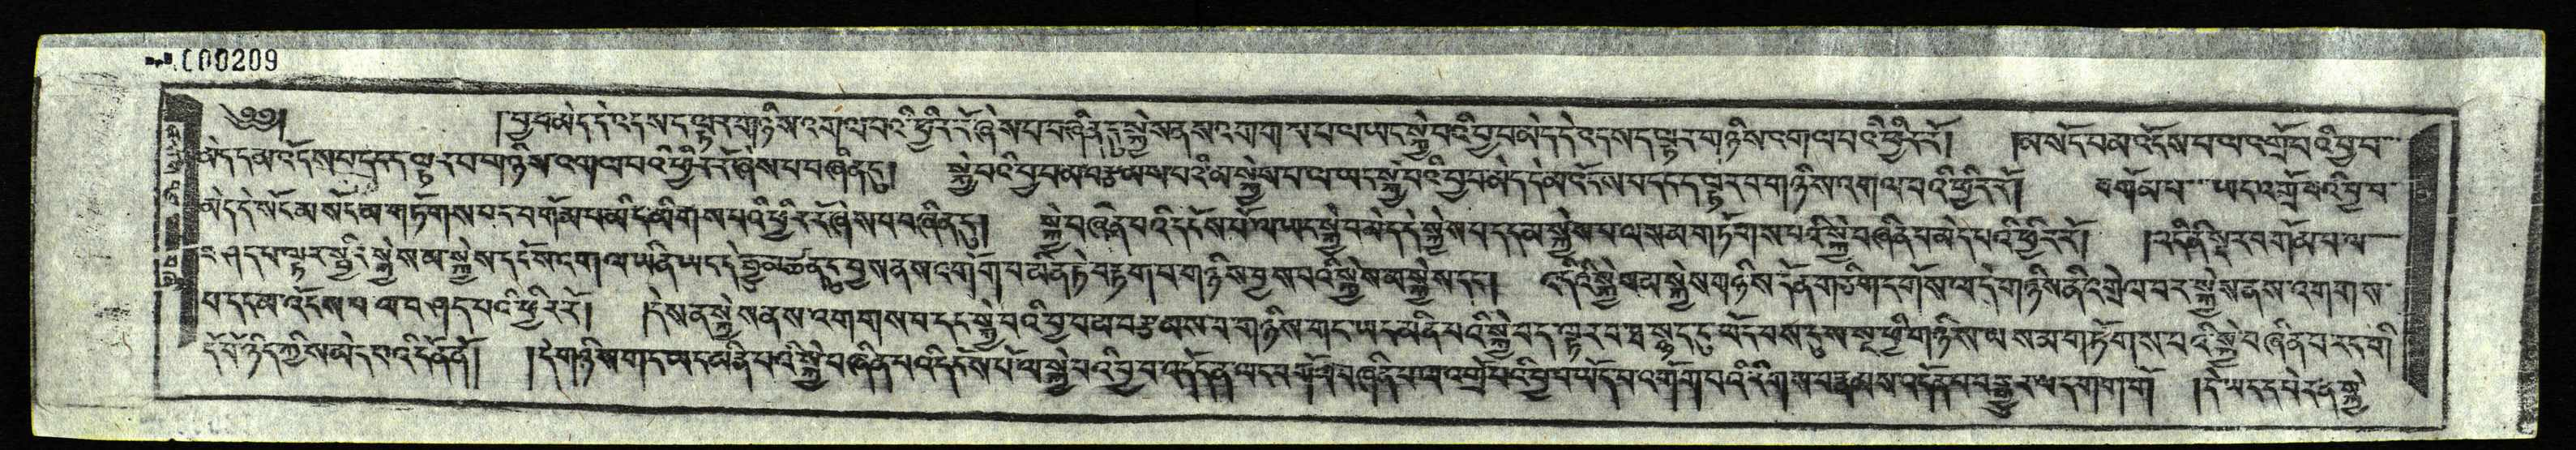༄༅། །བྱ་བ་མེད་དེ་འདས་ད་ལྟར་གཉིས་འགལ་བའི་ཕྱིར་རོ་ཞེས་པ་བཞིན་དུ་སྐྱེས་ནས་འགགས་པ་ལ་ཡང་སྐྱེ་བའི་བྱ་བ་མེད་དེ་འདས་ད་ལྟར་གཉིས་འགལ་བའི་ཕྱིར་རོ། །མ་སོང་བ་མ་འོངས་པ་ལ་འགྲོ་བའི་བྱ་བ་
མེད་དམ་འོངས་པ་དང་ད་ལྟར་བ་གཉིས་འགལ་བའི་ཕྱིར་རོ་ཞེས་པ་བཞིན་དུ། སྐྱེ་བའི་བྱ་བ་མ་བརྩམས་པའི་མ་སྐྱེས་པ་ལ་ཡང་སྐྱེ་བའི་བྱ་བ་མེད་དེ་མ་འོངས་པ་དང་ད་ལྟར་བ་གཉིས་འགལ་བའི་ཕྱིར་རོ། །བགོམ་པ་ཡང་འགྲོ་བའི་བྱ་བ་
མེད་དེ་སོང་མ་སོང་མ་གཏོགས་པར་བགོམ་པ་མི་དམིགས་པའི་ཕྱིར་རོ་ཞེས་བ་བཞིན་དུ། སྐྱེ་བཞིན་པའི་དངོས་པོ་ལ་ཡང་སྐྱེ་བ་མེད་དེ་སྐྱེས་པ་དང་མ་སྐྱེས་པ་ལས་མ་གཏོགས་པའི་སྐྱེ་བཞིན་པ་མེད་པའི་ཕྱིར་རོ། །འདི་ནི་སྔར་བགོམ་པ་ལ་
བཤད་པ་ལྟར་སྤྱིར་སྐྱེས་མ་སྐྱེས་དངོས་འགལ་ཡིན་ཡང་དེ་རྒྱུ་མཚན་དུ་བྱས་ནས་འགོག་པ་མིན་ཏེ་བརྟག་པ་གཉིས་བྱས་པའི་སྐྱེས་མ་སྐྱེས་དང་། འདིའི་སྐྱེས་མ་སྐྱེས་གཉིས་དོན་གཅིག་དགོས་ལ་དེ་གཉིས་ནི་འགྲེལ་བར་སྐྱེས་ནས་འགགས་
པ་དང་མ་འོངས་པ་ལ་བཤད་པའི་ཕྱིར་རོ། །དེས་ན་སྐྱེས་ནས་འགགས་པ་དང་སྐྱེ་བའི་བྱ་བ་མ་བརྩམས་པ་གཉིས་གང་ཡང་མིན་པའི་སྐྱེ་བ་ད་ལྟར་བ་ཐ་སྙད་དུ་ཡོད་བས་དུས་སྔ་ཕྱི་གཉིས་ལས་མ་གཏོགས་པའི་སྐྱེ་བཞིན་པ་རང་གི་
ངོ་བོ་ཉིད་ཀྱིས་མེད་པའི་དོན་ནོ། །དེ་གཉིས་གང་ཡང་མིན་པའི་སྐྱེ་བཞིན་པའི་དངོས་པོ་ལ་སྐྱེ་བའི་བྱ་བ་འདོད་ན་ཡང་བགོམ་བཞིན་པ་ལ་འགྲོ་བའི་བྱ་བ་ཡོད་པ་འགོག་པའི་རིགས་པ་རྣམས་འདོན་པ་རྒྱུར་བ་དགག་གོ །དེ་ཡང་དཔེར་ན་སྐྱེ་